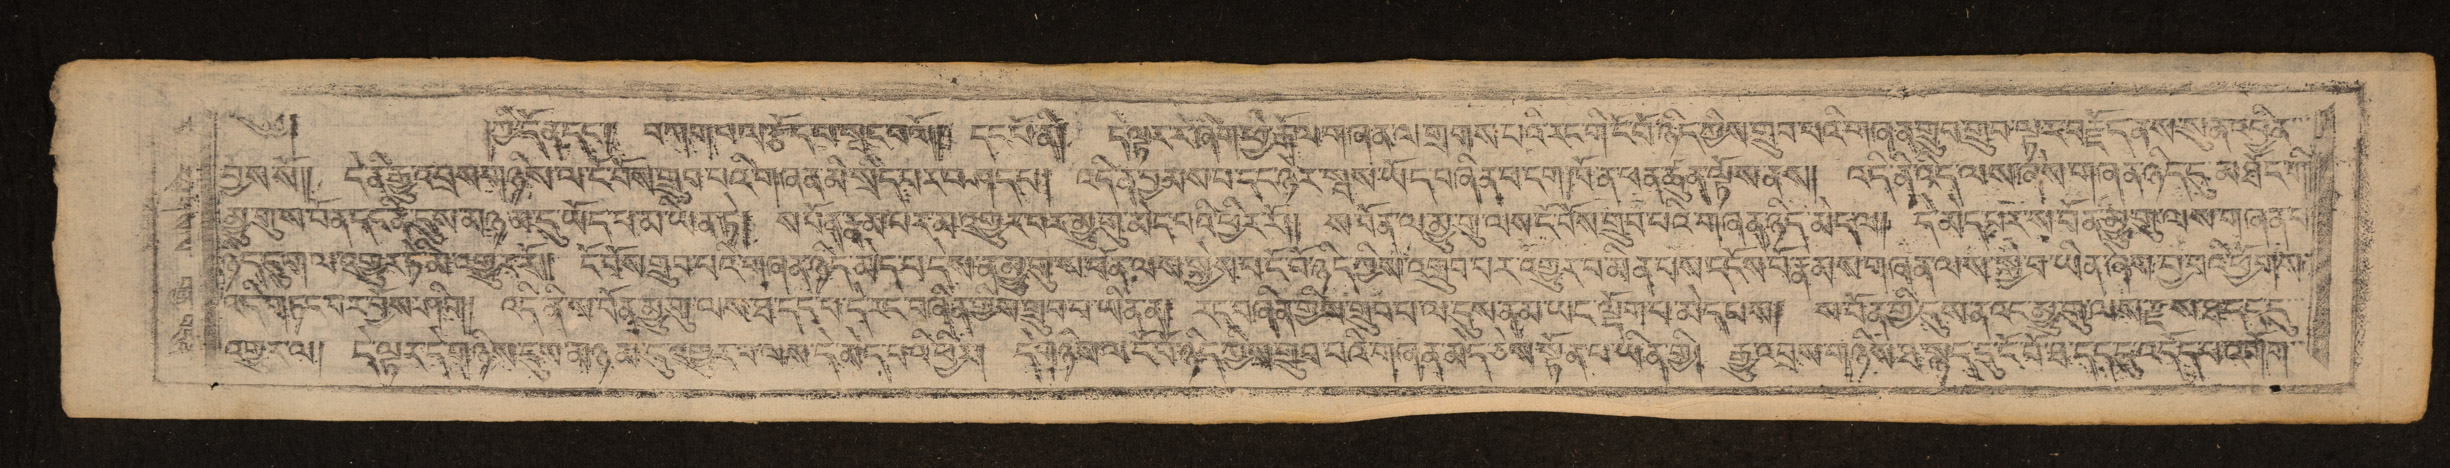༄༅། །ཀྱི་དོན་དང་། བཀག་པ་ལ་རྩོད་པ་སྤང་བའོ།། དང་པོ་ནི། དེ་ལྟར་རེ་ཞིག་ཕྱི་རྒོལ་གཞན་ལ་གྲགས་པའི་རང་གི་ངོ་བོ་ཉིད་ཀྱིས་གྲུབ་པའི་གཞན་གྲུབ་གྲུབ་ལྟར་བརྗོད་ནས་སུན་འབྱིན་
བྱས་སོ།། དེ་ནི་རྒྱུ་འབྲས་གཉིས་ལ་ངོ་བོས་གྲུབ་པའི་གཞན་མི་སྲིད་པར་བཤད་པ། འདི་ན་བྱམས་པ་དང་ཉེར་སྦས་ཡོད་བཞིན་པ་དག་ཁོ་ན་ཕན་ཚུན་ལྟོས་ནས། འདི་ནི་འདི་ལས་ཞེས་གཞན་ཉིད་དུ་མཐོང་གི།
མྱུ་གུ་ས་བོན་དང་ནི་དུས་མཉམ་དུ་ཡོད་པ་མ་ཡིན་ཏེ། ས་བོན་རྣམ་པར་མ་འགྱུར་བར་མྱུ་གུ་མེད་པའི་ཕྱིར་རོ།། ས་བོན་ལ་མྱུ་གུ་ལས་ངོ་བོས་གྲུབ་པའི་གཞན་ཉིད་མེད་ལ། དེ་མེད་པར་ས་བོན་མྱུ་གུ་ལས་གཞན་པ་
ཉིད་དུ་ག་ལ་འགྱུར་ཏེ་མི་འགྱུར་རོ།། ངོ་བོས་གྲུབ་པའི་གཞན་ཉིད་མེད་པ་དེས་ན་མྱུ་གུ་ས་བོན་ལས་སྐྱེས་པ་ངོ་བོ་ཉིད་ཀྱིས་འགྲུབ་པར་འགྱུར་བ་མིན་པས་དངོས་པོ་རྣམས་གཞན་ལས་སྐྱེ་བ་ཡིན་ཞེས་བྱ་བའི་ཕྱོགས་
འདི་གཏང་བར་བྱོས་ཤིག། འདི་ནི་ས་བོན་མྱུ་གུ་ལས་ཐ་དད་པ་དེ་རང་བཞིན་གྱིས་གྲུབ་པ་ཡིན་ན། རང་བཞིན་གྱིས་གྲུབ་པ་ལ་དུས་ནམ་ཡང་ལྡོག་པ་མེད་པས། ས་བོན་གྱི་དུས་ནའང་མྱུ་གུ་ལས་རྫས་ཐ་དད་དུ་
འགྱུར་ལ། དེ་ལྟར་དེ་གཉིས་དུས་མཉམ་དུ་འགྱུར་བ་ལས་དེ་མེད་པའི་ཕྱིར། དེ་གཉིས་ལ་ངོ་བོ་ཉིད་ཀྱིས་གྲུབ་པའི་གཞན་མེད་ཅེས་སྟོན་པ་ཡིན་གྱི། རྒྱུ་འབྲས་གཉིས་ཐ་སྙད་དུ་ངོ་བོ་ཐ་དད་དུ་འདོད་པ་འགོག་